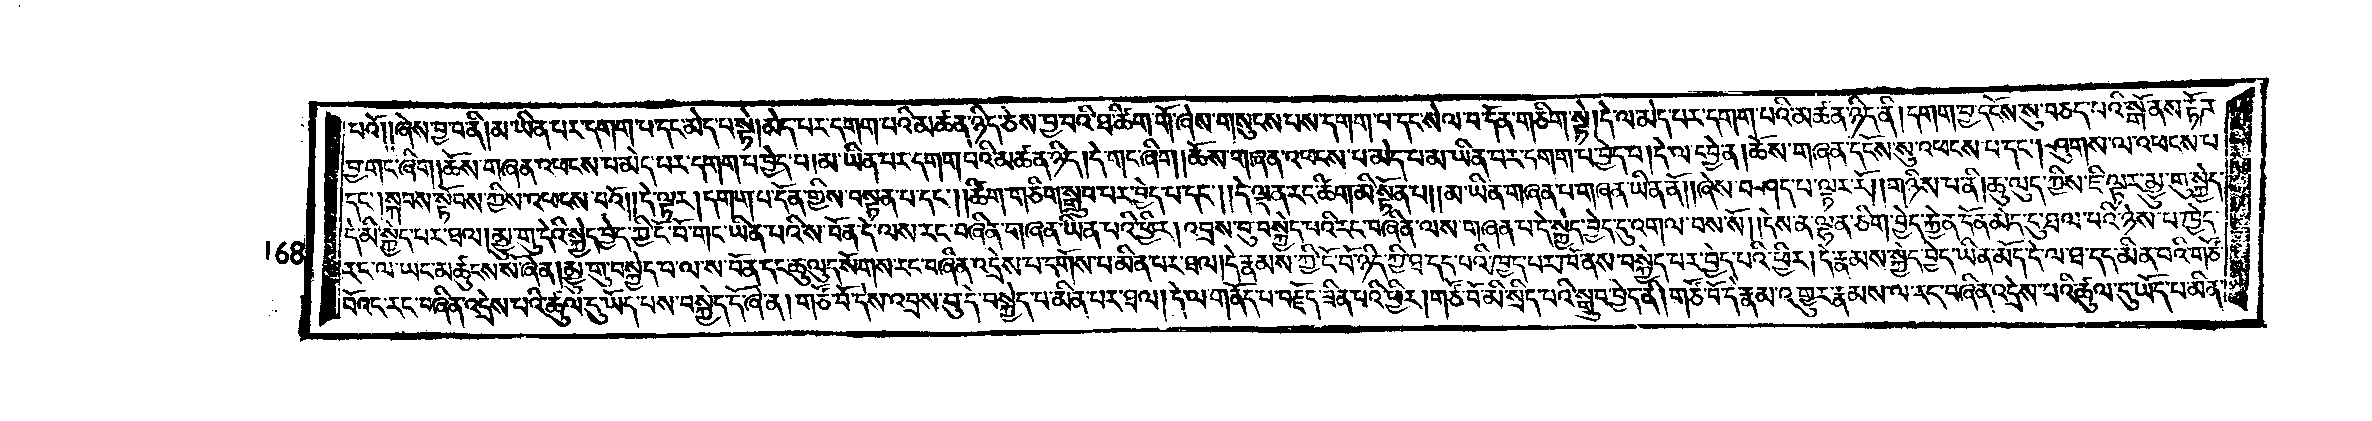པའོ། །ཞེས་བྱ་བ་ནི། མ་ཡིན་པར་དགག་པ་དང་མེད་པ་སྟེ། མེད་པར་དགག་པའི་མཚན་ཉིད་ཅེས་བྱ་བའི་ཐ་ཚིག་གོ་ཞེས་གསུངས་པས་དགག་པ་དང་སེལ་བ་དོན་གཅིག་སྟེ། དེ་ལ་མེད་པར་དགག་པའི་མཚན་ཉིད་ནི། དགག་བྱ་དངོས་སུ་བཅད་པའི་སྒོ་ནས་རྟོགས་
བྱ་གང་ཞིག །ཆོས་གཞན་འཕངས་པ་མེད་པར་དགག་པ་བྱེད་པ་མ་ཡིན་པར་དགག་པའི་མཚན་ཉིད། དེ་གང་ཞིག །ཆོས་གཞན་འཕངས་པ་མེད་པ་མ་ཡིན་པར་དགག་པ་བྱེད་པ། དེ་ལ་དབྱེ་ན། ཆོས་གཞན་དངོས་སུ་འཕངས་པ་དང་། ཤུགས་ལ་འཕངས་པ་
དང་། སྐབས་སྟོབས་ཀྱིས་འཕངས་པའོ། །དེ་ལྟར། དགག་པ་དོན་གྱིས་བསྟན་པ་དང་། །ཚིག་གཅིག་སྒྲུབ་པར་བྱེད་པ་དང་། །དེ་ལྡན་རང་ཚིག་མི་སྟོན་པ། །མ་ཡིན་གཞན་པ་གཞན་ཡིན་ནོ། །ཞེས་བཤད་པ་ལྟར་རོ། །གཉིས་པ་ནི། ཆུ་ལུད་ཀྱིས་ཇི་ལྟར་མྱུ་གུ་སྐྱེད་
དེ་མི་སྐྱེད་པར་ཐལ། མྱུ་གུ་དེའི་སྐྱེད་བྱེད་ཀྱི་ངོ་བོ་གང་ཡིན་པའི་ས་བོན་དེ་ལས་རང་བཞིན་གཞན་ཡིན་པའི་ཕྱིར། འབྲས་བུ་བསྐྱེད་པའི་རང་བཞིན་ལས་གཞན་པ་དེ་སྐྱེད་བྱེད་དུ་འགལ་བས་སོ། །དེས་ན་ལྷན་ཅིག་བྱེད་རྐྱེན་དོན་མེད་དུ་ཐལ་པའི་ཉེས་པ་ཁྱེད་
རང་ལ་ཡང་མཚུངས་སོ་ཞེ་ན། མྱུ་གུ་བསྐྱེད་པ་ལ་ས་བོན་དང་ཆུ་ལུད་སོགས་རང་བཞིན་འདྲེས་པ་དགོས་པ་མིན་པར་ཐལ། དེ་རྣམས་ཀྱི་ངོ་བོ་ཉིད་ཀྱི་ཐ་དད་པའི་ཁྱད་པར་ཁོ་ནས་བསྐྱེད་པར་བྱེད་པའི་ཕྱིར། དེ་རྣམས་སྐྱེད་བྱེད་ཡིན་མོད་དེ་ལ་ཐ་དད་མིན་པའི་གཙོ་
བོའང་རང་བཞིན་འདྲེས་པའི་ཚུལ་དུ་ཡོད་པས་བསྐྱེད་དོ་ཞེ་ན། གཙོ་བོ་དེས་འབྲས་བུ་དེ་བསྐྱེད་པ་མིན་པར་ཐལ། དེ་ལ་གནོད་པ་བརྗོད་ཟིན་པའི་ཕྱིར། གཙོ་བོ་མི་སྲིད་པའི་སྒྲུབ་བྱེད་ནི། གཙོ་བོ་དེ་རྣམ་འགྱུར་རྣམས་ལ་རང་བཞིན་འདྲེས་པའི་ཚུལ་དུ་ཡོད་པ་མིན་